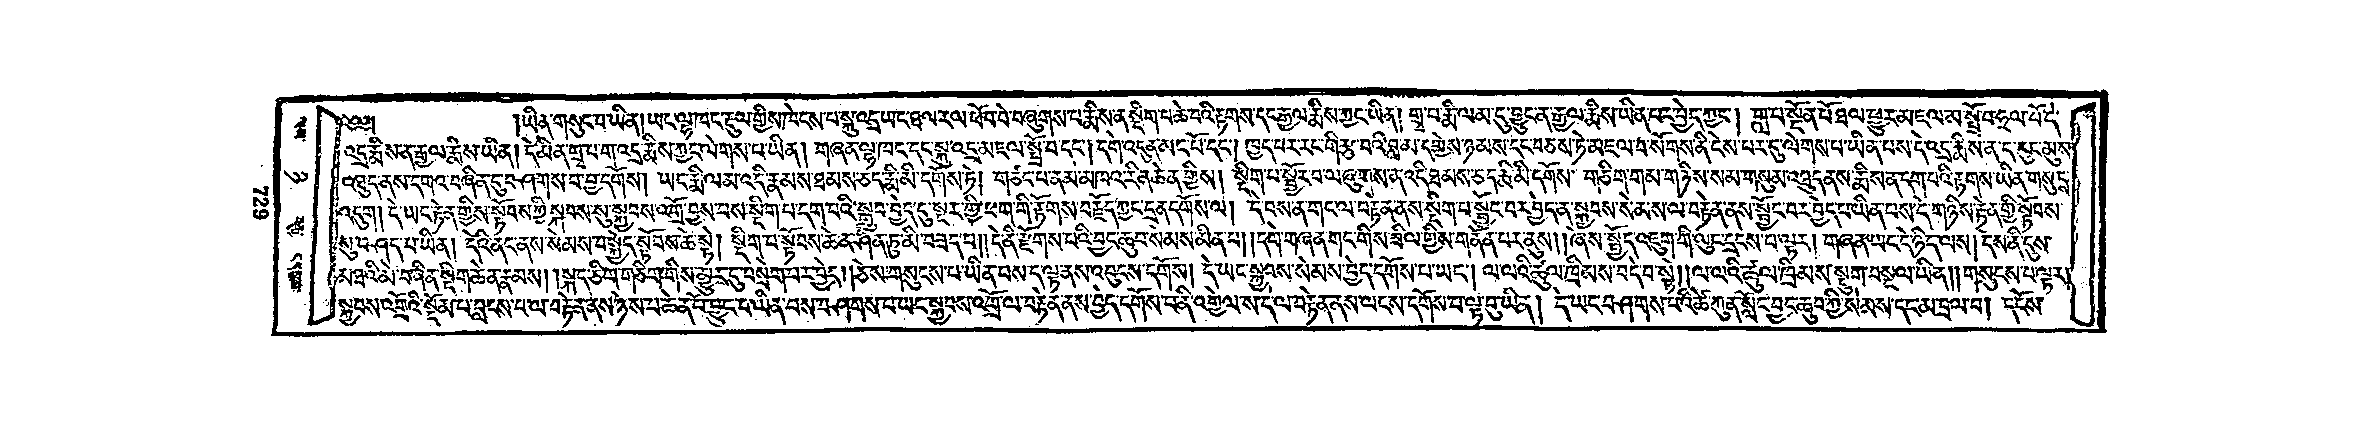༄༅། །ཡིན་གསུང་བ་ཡིན། ཡང་ལྷ་ཁང་རྡུལ་གྱིས་ཁེངས་པ་སྐུ་འདྲ་ཡང་ཐལ་རལ་ཕོབ་བེ་བཞུགས་པ་རྨིས་ན་སྡིག་པ་ཆེ་བའི་རྟགས་དང་རྒྱལ་རྨིས་ཀྱང་ཡིན། གྲྭ་པ་རྨི་ལམ་དུ་བྱུང་ན་རྒྱལ་རྨིས་ཡིན་པར་བྱེད་ཀྱང་། གླ་པ་སྔོན་པོ་ཐལ་ཕྱུར་མཇལ་མ་སྤྲོ་བ་ཧྲལ་པོ་དེ་
འདྲ་རྨིས་ན་རྒྱལ་རྨིས་ཡིན། དེ་མིན་གྲྭ་པ་ག་འདྲ་རྨིས་ཀྱང་ལེགས་པ་ཡིན། གཞན་ལྷ་ཁང་དང་སྐུ་འདྲ་མཇལ་སྤྲོ་བ་དང་། དགེ་འདུན་མང་པོ་དང་། ཁྱད་པར་རང་གི་རྩ་བའི་བླ་མ་དགྱེས་ཉམས་དང་བཅས་ཏེ་མཇལ་བ་སོགས་ནི་ངེས་པར་དུ་ལེགས་པ་ཡིན་པས་དེ་འདྲ་རྨིས་ན་ད་དུང་མུས་
འཐུད་ནས་དགའ་བཞིན་དུ་བཤགས་པ་བྱ་དགོས། ཡང་རྨི་ལམ་འདི་རྣམས་ཐམས་ཅད་རྨི་མི་དགོས་ཏེ། གཙང་པ་ནམ་མཁའ་རིན་ཆེན་གྱིས། སྡིག་པ་སྦྱོར་བ་ལ་ཞུགས་ན་འདི་ཐམས་ཅད་རྨི་མི་དགོས་གཅིག་གལ་གཉིས་སམ་གསུམ་འཐུད་ནས་རྨིས་ན་དག་པའི་རྟགས་ཡིན་གསུངས་
འདུག། དེ་ཡང་རྟེན་གྱིས་སྟོབས་ཀྱི་སྐབས་སུ་སྐྱབས་འགྲོ་བྱས་པས་སྡིག་པ་དག་པའི་སྒྲུབ་བྱེད་དུ་སྔར་གྱི་ཕག་གི་རྟོགས་བརྗོད་ཀྱང་དྲན་དགོས་ལ། དེ་བས་ན་གང་ལ་བརྟེན་ནས་སྡིག་པ་སྦྱོང་བར་བྱེད་ན་སྐྱབས་སེམས་ལ་བརྟེན་ནས་སྦྱོང་བར་བྱེད་པ་ཡིན་པས་དེ་གཉིས་རྟེན་གྱི་སྟོབས་
སུ་བཤད་པ་ཡིན། དེའི་ནང་ནས་སེམས་བསྐྱེད་སྟོབས་ཆེ་སྟེ། སྡིག་པ་སྟོབས་ཆེན་ཤིན་ཏུ་མི་བཟད་པ། །དེ་ནི་རྫོགས་པའི་བྱང་ཆུབ་སེམས་མིན་པ། །དགེ་གཞན་གང་གིས་ཟིལ་གྱིས་གནོན་པར་ནུས། །ཞེས་སྤྱོད་འཇུག་གི་ལུང་དྲངས་པ་ལྟར། གཞན་ཡང་དེ་ཉིད་ལས། དེས་ནི་དུས་
མཐའི་མེ་བཞིན་སྡིག་ཆེན་རྣམས། །སྐད་ཅིག་གཅིག་གིས་མྱུར་དུ་བསྲེག་པར་བྱེད། །ཅེས་གསུངས་པ་ཡིན་པས་ད་ལྟ་ནས་འབུངས་དགོས། དེ་ཡང་སྐྱབས་སེམས་བྱེད་དགོས་པ་ཡང་། ལ་ལའི་ཚུལ་ཁྲིམས་བདེ་བ་སྟེ། །ལ་ལའི་ཚུལ་ཁྲིམས་སྡུག་བསྔལ་ཡིན། །གསུངས་པ་ལྟར་
སྐྱབས་འགྲོའི་སྡོམ་པ་བླངས་པ་ལ་བརྟེན་ནས་ཉེས་པ་ཆེན་པོ་བྱུང་བ་ཡིན་པས་བཤགས་པ་ཡང་སྐྱབས་འགྲོ་ལ་བརྟེན་ནས་བྱེད་དགོས་པ་ནི་འགྱེལ་ས་དེ་ལ་བརྟེན་ནས་ལངས་དགོས་པ་ལྟ་བུ་ཡིན། དེ་ཡང་བཤགས་པའི་ཚེ་ཀུན་སློང་བྱང་ཆུབ་ཀྱི་སེམས་དང་མ་བྲལ་བ། དངོས་